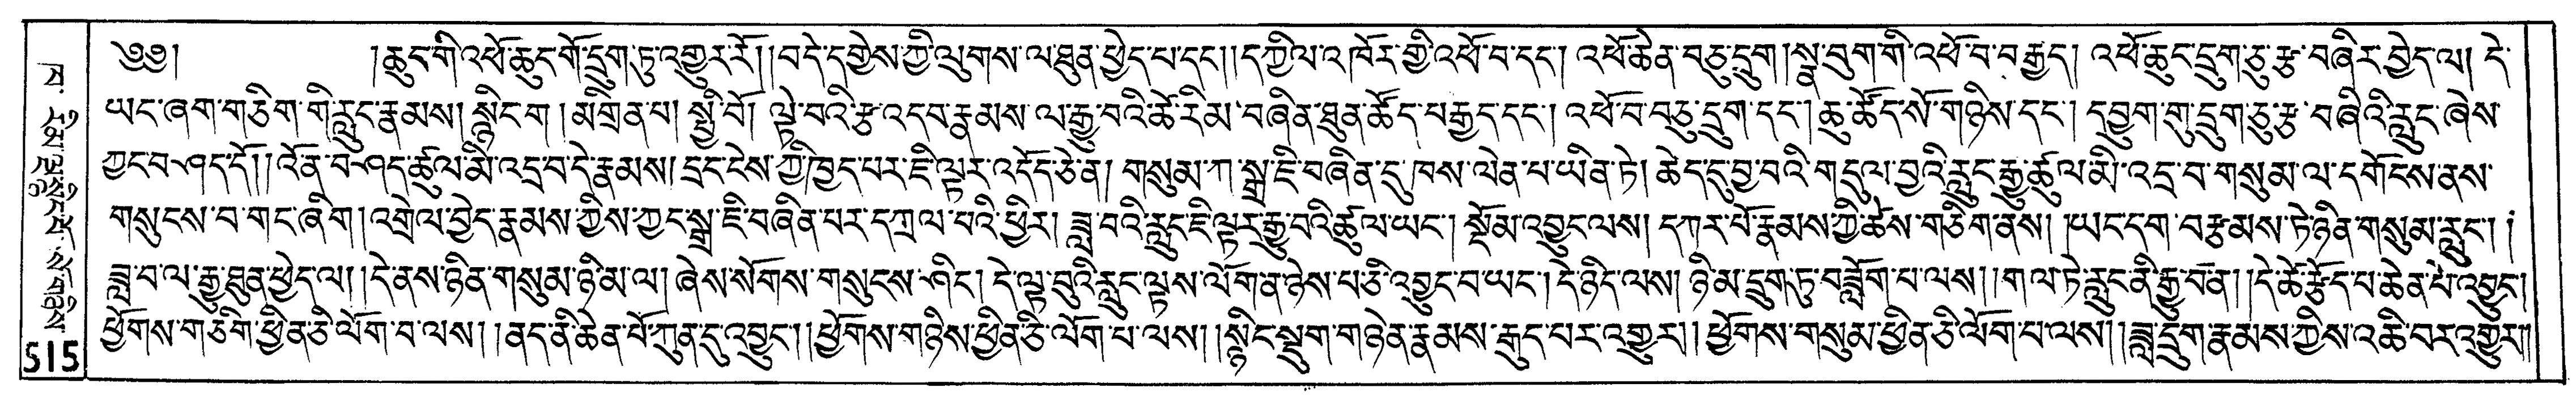༄༅། །ཆུང་གི་འཕོ་ཆུང་གོ་དྲུག་ཏུ་འགྱུར་རོ། །བདེ་དགྱེས་ཀྱི་ལུགས་ལ་ཐུན་ཕྱེད་པ་དང་། །དཀྱིལ་འཁོར་གྱི་འཕོ་བ་དང་། འཕོ་ཆེན་བཅུ་དྲུག །སྣ་བུག་གི་འཕོ་བ་བརྒྱད། འཕོ་ཆུང་དྲུག་ཅུ་རྩ་བཞིར་བྱེད་ལ། དེ་
ཡང་ཞག་གཅིག་གི་རླུང་རྣམས། སྙིང་ག །མགྲིན་པ། སྤྱི་བོ། ལྟེ་བའི་རྩ་འདབ་རྣམས་ལ་རྒྱུ་བའི་ཚེ་རིམ་བཞིན་ཐུན་ཚོད་བརྒྱད་དང་། འཕོ་བ་བཅུ་དྲུག་དང་། ཆུ་ཚོད་སོ་གཉིས་དང་། དབྱུག་གུ་དྲུག་ཅུ་རྩ་བཞིའི་རླུང་ཞེས་
ཀྱང་བཤད་དོ། །འོ་ན་བཤད་ཚུལ་མི་འདྲ་བ་དེ་རྣམས། དྲང་ངེས་ཀྱི་ཁྱད་པར་ཇི་ལྟར་འདོད་ཅེ་ན། གསུམ་ཀ་སྒྲ་ཇི་བཞིན་དུ་ཁས་ལེན་པ་ཡིན་ཏེ། ཆེད་དུ་བྱ་བའི་གདུལ་བྱའི་རླུང་རྒྱུ་ཚུལ་མི་འདྲ་བ་གསུམ་ལ་དགོངས་ནས་
གསུངས་བ་གང་ཞིག །འགྲེལ་བྱེད་རྣམས་ཀྱིས་ཀྱང་སྒྲ་ཇི་བཞིན་པར་དཀྲལ་པའི་ཕྱིར། ཟླ་བའི་རླུང་ཇི་ལྟར་རྒྱུ་བའི་ཚུལ་ཡང་། སྡོམ་འབྱུང་ལས། དཀར་པོ་རྣམས་ཀྱི་ཚེས་གཅིག་ནས། །ཡང་དག་བརྩམས་ཏེ་ཉིན་གསུམ་རླུང་། །
ཟླ་བ་ལ་རྒྱུ་ཐུན་ཕྱེད་ལ། །དེ་ནས་ཉིན་གསུམ་ཉི་མ་ལ། ཞེས་སོགས་གསུངས་ཤིང་། དེ་ལྟ་བུའི་རླུང་ལྟས་ལོག་ན་ཉེས་པ་ཅི་འབྱུང་བ་ཡང་། དེ་ཉིད་ལས། ཉི་མ་དྲུག་ཏུ་བཟློག་པ་ལས། །གལ་ཏེ་རླུང་ནི་རྒྱུ་བ་ན། །དེ་ཚེ་རྩོད་པ་ཆེན་པོ་འབྱུང་།
ཕྱོགས་གཅིག་ཕྱིན་ཅི་ལོག་བ་ལས། །ནད་ནི་ཆེན་པོ་ཀུན་དུ་འབྱུང་། །ཕྱོགས་གཉིས་ཕྱིན་ཅི་ལོག་པ་ལས། །སྙིང་སྡུག་གཉེན་རྣམས་རྒུད་པར་འགྱུར། །ཕྱོགས་གསུམ་ཕྱིན་ཅི་ལོག་པ་ལས། །ཟླ་དྲུག་རྣམས་ཀྱིས་འཆི་བར་འགྱུར། །